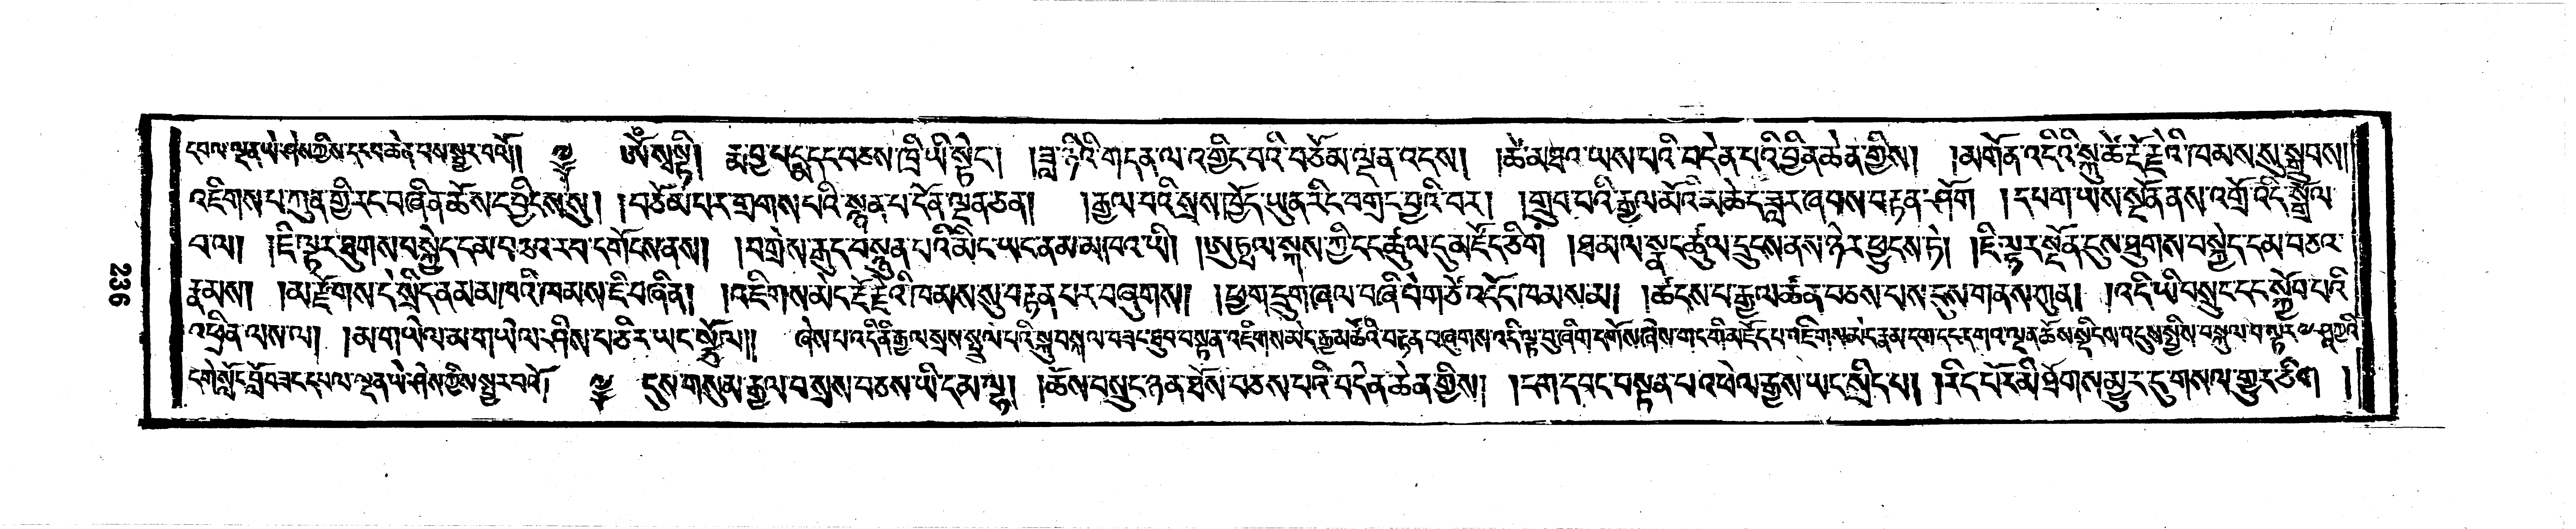དཔལ་ལྡན་ཡེ་ཤེས་ཀྱིས་དང་བ་ཆེན་པས་སྦྱར་བའོ།། ༈ ཨོཾ་སྭསྟི། རྨ་བྱ་པདམ་དང་བཅས་ཁྲི་ཡི་སྟེང་། །ཟླ་ཉིའི་གདན་ལ་འགྱིང་བའི་བཅོམ་ལྡན་འདས། །ཚེ་མཐའ་ཡས་པའི་བདེན་པའི་བྱིན་ཆེན་གྱིས། །མགོན་འདིའི་སྐུ་ཚེ་རྡོ་རྗེའི་ཁམས་སུ་སྒྲུབས། །
འཇིགས་པ་ཀུན་གྱི་རང་བཞིན་ཆོས་དབྱིངས་སུ། །བཅོམ་པར་གྲགས་པའི་སྙན་པ་དོན་ལྡན་ཅན། །རྒྱལ་བའི་སྲས་ཁྱོད་ཡུན་རིང་བགྲང་བྱའི་བར། །གྲུབ་པའི་རྒྱལ་མོའི་མཆེད་ཟླར་ཞབས་བརྟན་ཤོག །དཔག་ཡས་སྔོན་ནས་འགྲོ་འདི་སྒྲོལ་
བ་ལ། །ཇི་ལྟར་ཐུགས་བསྐྱེད་དམ་བཅའ་རབ་དགོངས་ནས། །བགྲེས་རྒུད་བསྙུན་པའི་མིང་ཡང་ནམ་མཁའ་ཡི། །ཨུཏྤ་ལ་སྐས་ཀྱི་དང་ཚུལ་དུ་མཛོད་ཅིག །ཐ་མལ་སྣང་ཚུལ་དྲུངས་ནས་ཉེར་ཕྱུང་ཏེ། །ཇི་ལྟར་སྔོན་དུས་ཐུགས་བསྐྱེད་དམ་བཅའ་
རྣམས། །མ་རྫོགས་དེ་སྲིད་ནམ་མཁའི་ཁམས་ཇི་བཞིན། །འཇིགས་མེད་རྡོ་རྗེའི་ཁམས་སུ་བརྟན་པར་བཞུགས། །ཕྱག་དྲུག་ཞལ་བཞི་བེག་ཙེ་འདོད་ཁམས་མ། །ཚངས་པ་རྒྱལ་ཚན་བཅས་པས་དུས་གནས་ཀུན། །འདི་ཡི་བསྲུང་དང་སྐྱོབ་པའི་
འཕྲིན་ལས་ལ། །མ་གཡེལ་མ་གཡེལ་ཤིས་པ་ཅིར་ཡང་སྩོལ།། ཞེས་པ་འདི་ནི་རྒྱལ་སྲས་སྤྲུལ་པའི་སྐུ་བསྐལ་བཟང་ཐུབ་བསྟན་འཇིགས་མེད་རྒྱ་མཚོའི་བརྟན་བཞུགས་འདི་ལྟ་བུ་ཞིག་དགོས་ཞེས་གང་གི་མཛོད་པ་འཇིགས་མེད་རྣམ་དག་དགའ་ལྡན་ཆོས་སྡིངས་འདུས་སྦྱིས་བསྐུལ་བ་ལྟར་༧་ཤཱཀྱའི་
དགེ་སློང་བློ་བཟང་དཔལ་ལྡན་ཡེ་ཤེས་ཀྱིས་སྦྱར་བའོ། ༈ དུས་གསུམ་རྒྱལ་བ་སྲས་བཅས་ཡི་དམ་ལྷ། །ཆོས་བསྲུང་ཉན་ཐོས་བཅས་པའི་བདེན་ཆེན་གྱིས། །ངག་དབང་བསྟན་པ་འཕེལ་རྒྱས་སྲིད་པ། །རིང་པོར་མི་ཐོགས་མྱུར་དུ་གསལ་གྱུར་ཅིག། །